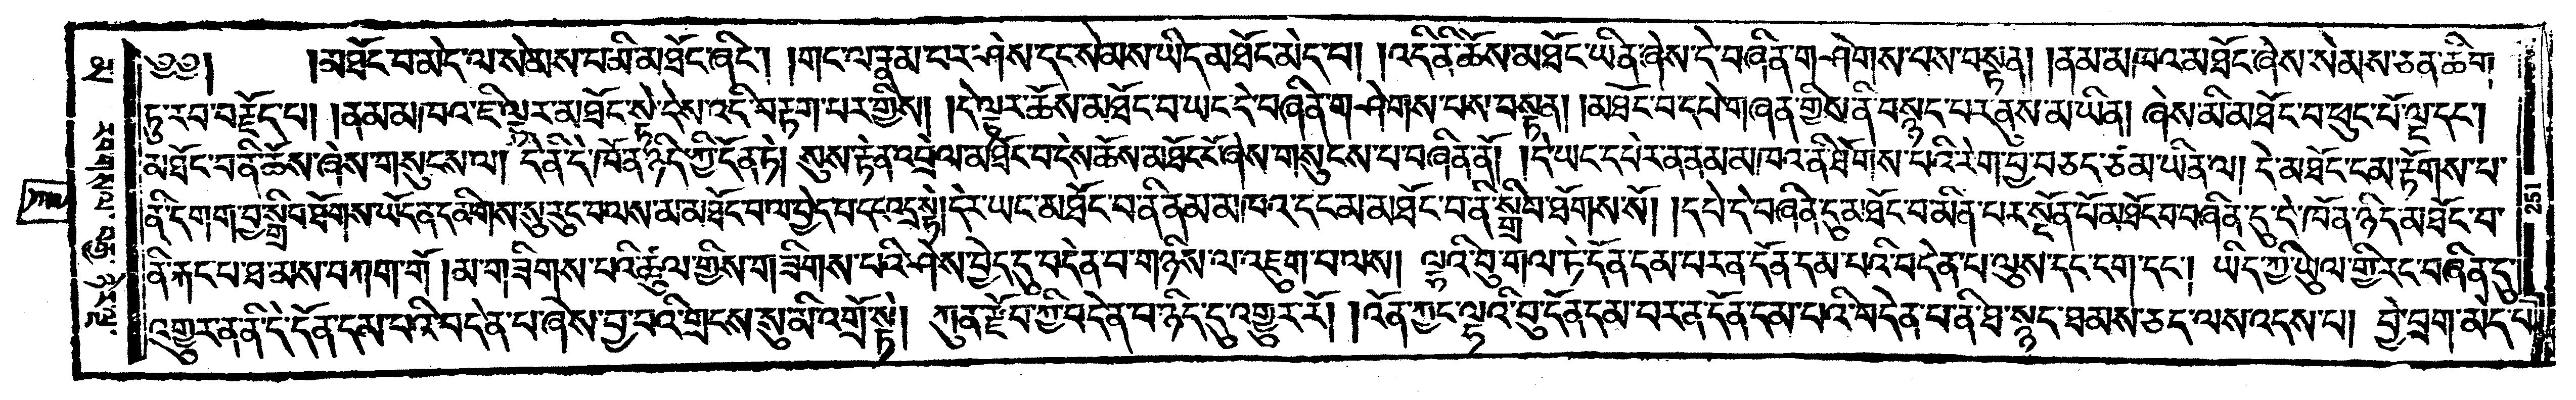༄༅། །མཐོང་བ་མེད་ལ་སེམས་པ་མི་མཐོང་ཞིང་། །གང་ལ་རྣམ་པར་ཤེས་དང་སེམས་ཡིད་མཐོང་མེད་པ། །འདི་ནི་ཆོས་མཐོང་ཡིན་ཞེས་དེ་བཞིན་གཤེགས་པས་བསྟན། །ནམ་མཁའ་མཐོང་ཞེས་སེམས་ཅན་ཚིག་
ཏུ་རབ་བརྗོད་པ། །ནམ་མཁའ་ཇི་ལྟར་མཐོང་སྟེ་དེས་འདི་བརྟག་པར་གྱིས། །དེ་ལྟར་ཆོས་མཐོང་བ་ཡང་དེ་བཞིན་གཤེགས་པས་བསྟན། །མཐོང་བ་དཔེ་གཞན་གྱིས་ནི་བསྙད་པར་ནུས་མ་ཡིན། ཞེས་མི་མཐོང་བ་ཕུང་པོ་ལྔ་དང་།
མཐོང་བ་ནི་ཆོས་ཞེས་གསུངས་ལ། དེ་ནི་དེ་ཁོ་ན་ཉིད་ཀྱི་དོན་ཏེ། སུས་རྟེན་འབྲེལ་མཐོང་བ་དེས་ཆོས་མཐོང་ངོ་ཞེས་གསུངས་པ་བཞིན་ནོ། །དེ་ཡང་དཔེར་ན་ནམ་མཁའ་ནི་ཐོགས་པའི་རེག་བྱ་བཅད་ཙམ་ཡིན་ལ། དེ་མཐོང་ངམ་རྟོགས་པ་
ནི་དགག་བྱ་སྒྲིབ་ཐོགས་ཡོད་ན་དམིགས་སུ་རུང་བ་ལས་མ་མཐོང་བ་ལ་བྱེད་པ་དང་འདྲ་སྟེ། དེར་ཡང་མཐོང་བའི་ནམ་མཁའ་དང་མ་མཐོང་བ་ནི་སྒྲིབ་ཐོགས་སོ། །དཔེ་དེ་བཞིན་དུ་མཐོང་བ་མིན་པར་སྔོན་པོ་མཐོང་བ་བཞིན་དུ་དེ་ཁོ་ན་ཉིད་མཐོང་བ་
ནི་རྐང་པ་ཐ་མས་བཀག་གོ །མ་གཟིགས་པའི་ཚུལ་གྱིས་གཟིགས་པའི་ཤེས་བྱེད་དུ་བདེན་པ་གཉིས་ལ་འཇུག་པ་ལས། ལྷའི་བུ་གལ་ཏེ་དོན་དམ་པར་ན་དོན་དམ་པའི་བདེན་པ་ལུས་དང་ངག་དང་། ཡིད་ཀྱི་ཡུལ་གྱི་རང་བཞིན་
དུ་འགྱུར་ན་ནི་དེ་དོན་དམ་པའི་བདེན་པ་ཞེས་བྱ་བའི་གྲངས་སུ་མི་འགྲོ་སྟེ། ཀུན་རྫོབ་ཀྱི་བདེན་པ་ཉིད་དུ་འགྱུར་རོ། །འོན་ཀྱང་ལྷའི་བུ་དོན་དམ་པར་ན་དོན་དམ་པའི་བདེན་པ་ནི་ཐ་སྙད་ཐམས་ཅད་ལས་འདས་པ། །བྱེ་བྲག་མེད་པ་